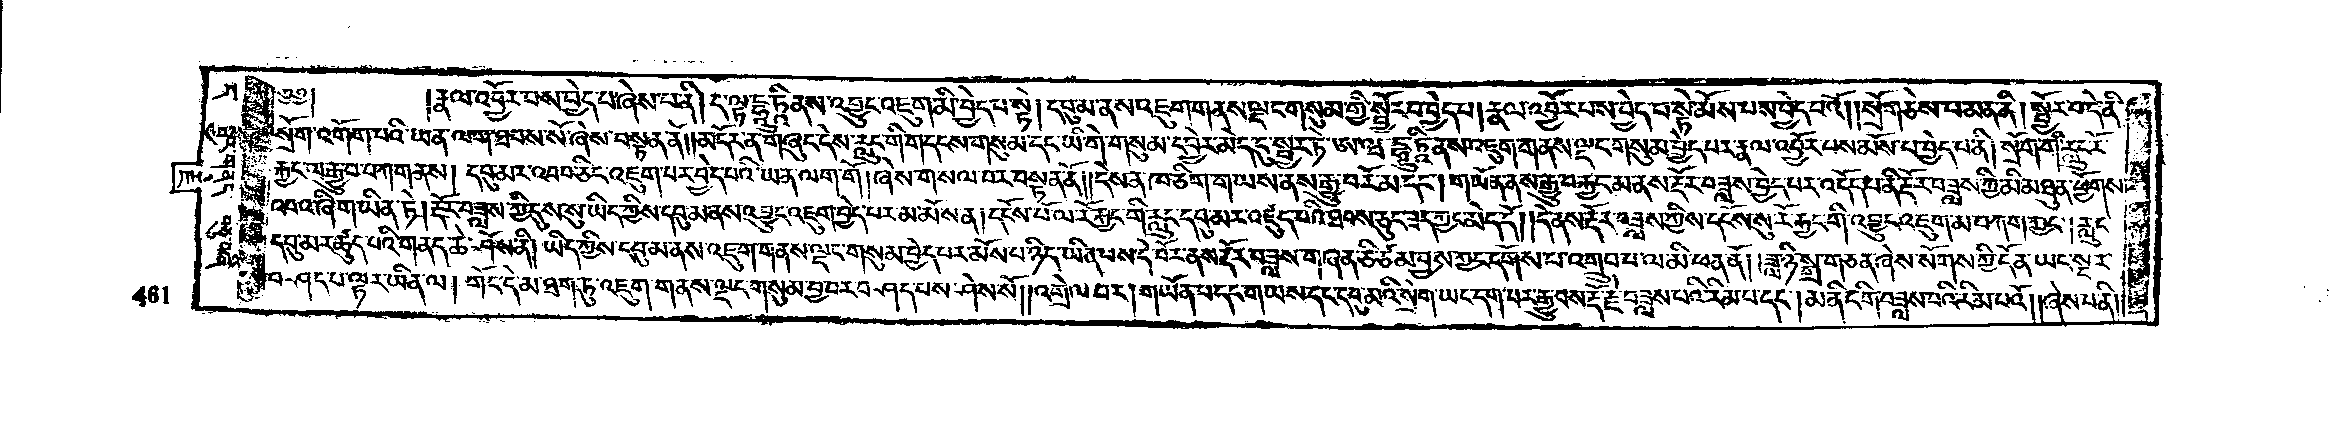༄༅། །རྣལ་འབྱོར་པས་བྱེད་པ་ཞེས་པ་ནི། དེ་ལྟ་དྷཱུ་ཏཱི་ནས་འབྱུང་འཇུག་མི་བྱེད་པ་སྟེ། དབུ་མ་ནས་འཇུག་གནས་ལྡང་གསུམ་གྱི་སྦྱོར་བ་བྱེད་པ། རྣལ་འབྱོར་པས་བྱེད་པ་བྱེད་པ་སྟེ་མོས་པས་བྱེད་པའོ། །སྲོག་ཅེས་པ་མན་ནི། སྦྱོར་བ་དེ་ནི་
སྲོག་འགོག་པའི་ཡན་ལག་ཐབས་སོ་ཞེས་བསྟན་ནོ། །མདོར་ན་གཞུང་དེས་རླུང་གི་གདངས་གསུམ་དང་ཡི་གེ་གསུམ་དབྱེར་མེད་དུ་སྦྱར་ཏེ་ཨ་ཝ་དྷཱུ་ཏཱི་ནས་འཇུག་གནས་ལྡང་གསུམ་བྱེད་པར་རྣལ་འབྱོར་པས་མོས་པ་བྱེད་པ་ནི། སྲོག་གི་རླུང་རོ་
རྐྱང་ལ་རྒྱུ་བ་བཀག་ནས། དབུ་མར་འབབ་ཅིང་འཇུག་པར་བྱེད་པའི་ཡན་ལག་གོ །ཞེས་གསལ་བར་བསྟན་ནོ། །དེས་ན་ཁ་ཅིག་གཡས་ནས་རྒྱུ་བ་རོ་མ་དང་། གཡོན་ནས་རྒྱུ་བ་རྐྱང་མ་ནས་རྡོར་བཟླས་བྱེད་པར་འདོད་པ་ནི་རྡོར་བཟླས་ཀྱི་མི་མཐུན་ཕྱོགས་
འབའ་ཞིག་ཡིན་ཏེ། རྡོར་བཟླས་ཀྱི་དུས་སུ་ཡིད་ཀྱིས་དབུ་མ་ནས་འབྱུང་འཇུག་བྱེད་པར་མ་མོས་ན། དངོས་པོ་ལ་རོ་རྐྱང་གི་རླུང་དབུ་མར་འཛུད་པའི་ཐབས་ཅུང་ཟད་ཀྱང་མེད་དོ། །དེ་ནས་རྡོར་བཟླས་ཀྱིས་དངོས་སུ་རོ་རྐྱང་གི་འབྱུང་འཇུག་མ་བཀག་ཀྱང་། རླུང་
དབུ་མར་ཚུད་པའི་གནད་ཆེ་ཤོས་ནི། ཡིད་ཀྱིས་དབུ་མ་ནས་འཇུག་གནས་ལྡང་གསུམ་བྱེད་པར་མོས་པ་ཉིད་ཡིན་པས་དེ་བོར་ནས་རྡོར་བཟླས་གཞན་ཅི་ཙམ་བྱས་ཀྱང་དགོས་པ་འགྲུབ་པ་ལ་མི་ཕན་ནོ། །ཟླ་ཉི་སྒྲ་གཅན་ཞེས་སོགས་ཀྱི་དོན་ཡང་སྔར་
བཤད་པ་ལྟར་ཡིན་ལ། གོང་དེ་མ་ཐག་ཏུ་འཇུག་གནས་ལྡང་གསུམ་བྱ་བར་བཤད་པས་ཤེས་སོ། །འགྲེལ་པར། གཡོན་པ་དང་གཡས་དང་དབུ་མའི་སྲོག་ཡང་དག་པར་རྒྱུ་བས་རྡོ་རྗེ་བཟླས་པའི་རིམ་པ་དང་། མ་ནིང་གི་བཟླས་པའི་རིམ་པའོ། །ཞེས་པ་ནི།